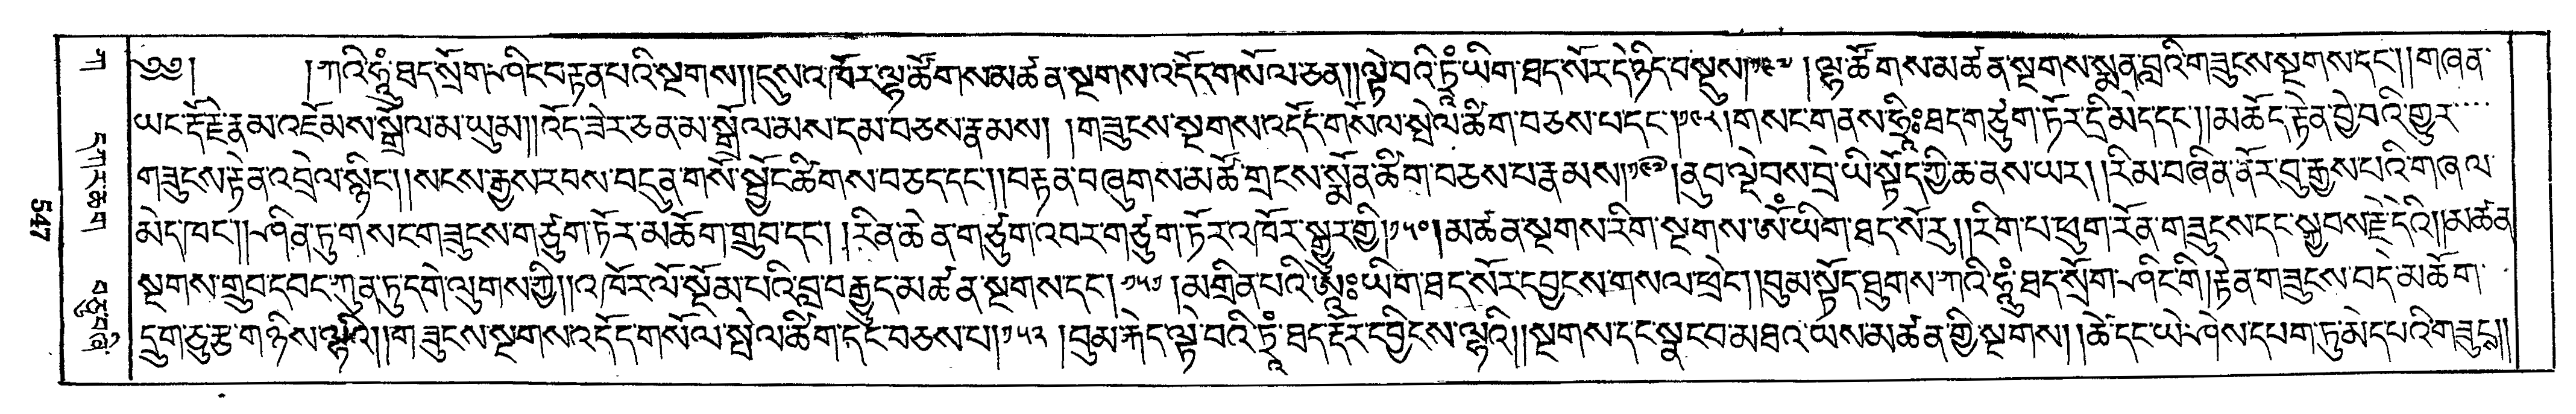༄༅། །ཀའི་ཧཱུཾ་ཐད་སྲོག་ཤིང་བརྟན་པའི་སྔགས། །དུས་འཁོར་ལྷ་ཚོགས་མཚན་སྔགས་འདོད་གསོལ་ཅན། །ལྟེ་བའི་ཏྲཱཾ་ཡིག་ཐད་སོར་དེ་ཉིད་བསྡུས། ༡༤༧་།ལྷ་ཚོགས་མཚན་སྔགས་སྨན་བླའི་གཟུངས་སྔགས་དང་། །གཞན་
ཡང་རྡོ་རྗེ་རྣམ་འཇོམས་སྒྲོལ་མ་ཡུམ། །འོད་ཟེར་ཅན་མ་སྒྲོལ་མས་དམ་བཅས་རྣམས། །གཟུངས་སྔགས་འདོད་གསོལ་སྤེལ་ཚིག་བཅས་པ་དང་། ༡༤༨་།གསང་གནས་ཧྲཱིཿ ཐད་གཙུག་ཏོར་དྲི་མེད་དང་། །མཆོད་རྟེན་བྱེ་བ་འགྱུར་
གཟུངས་རྟེན་འབྲེལ་སྙིང་། །སངས་རྒྱས་རབས་བདུན་གསོ་སྦྱོང་ཚིགས་བཅད་དང་། །བརྟན་བཞུགས་མཚོ་གྲངས་སྨོན་ཚིག་བཅས་པ་རྣམས། ༡༤༧་།ནུབ་ལྡེ་བས་བྲེ་ཡི་སྟོད་ཀྱི་ཆ་ནས་ཡར། །རིམ་བཞིན་ནོར་བུ་རྒྱས་པའི་གཞལ་
མེད་ཁང་། །ཤིན་ཏུ་གསང་གཟུངས་གཙུག་ཏོར་མཆོག་གྲུབ་དང་། །རིན་ཆེན་གཙུག་འབར་གཙུག་ཏོར་འཁོར་སྒྱུར་གྱི། ༡༥༠་།མཚན་སྔགས་རིག་སྔགས་ཨོཾ་ཡིག་ཐད་སོ་རུ། །རིག་པ་ཕུག་རོན་གཟུངས་དང་སྐྱབས་རྗེ་དེའི། །མཚན་
སྔགས་གྲུབ་དབང་ཀུན་ཏུ་དགེ་ལུགས་ཀྱི། །འཁོར་ལོ་སྡོམ་པའི་བླ་བརྒྱུད་མཚན་སྔགས་དང་། ༡༠༡་།མགྲིན་པའི་ཨཱཾཿ ཡིག་ཐད་སོར་དབྱངས་གསལ་ཕྲེང་། །བུམ་སྟོད་ཐུགས་ཀའི་ཧཱུཾ་ཐད་སྲོག་ཤིང་གི། རྟེན་གཟུངས་བདེ་མཆོག་
དྲུག་ཅུ་རྩ་གཉིས་ལྷའི། །གཟུངས་སྔགས་འདོད་གསོལ་སྤེལ་ཚིག་དང་བཅས་པ། ༡༥༢་།བུམ་རྐེད་ལྟེ་བའི་ཏྲཱཾ་ཐད་རྡོར་དབྱིངས་ལྷའི། །སྤགས་དང་སྣང་བ་མཐའ་ཡས་མཚན་གྱི་སྔགས། །ཚེ་དང་ཡེ་ཤེས་དཔག་ཏུ་མེད་པའི་གཟུངས། །